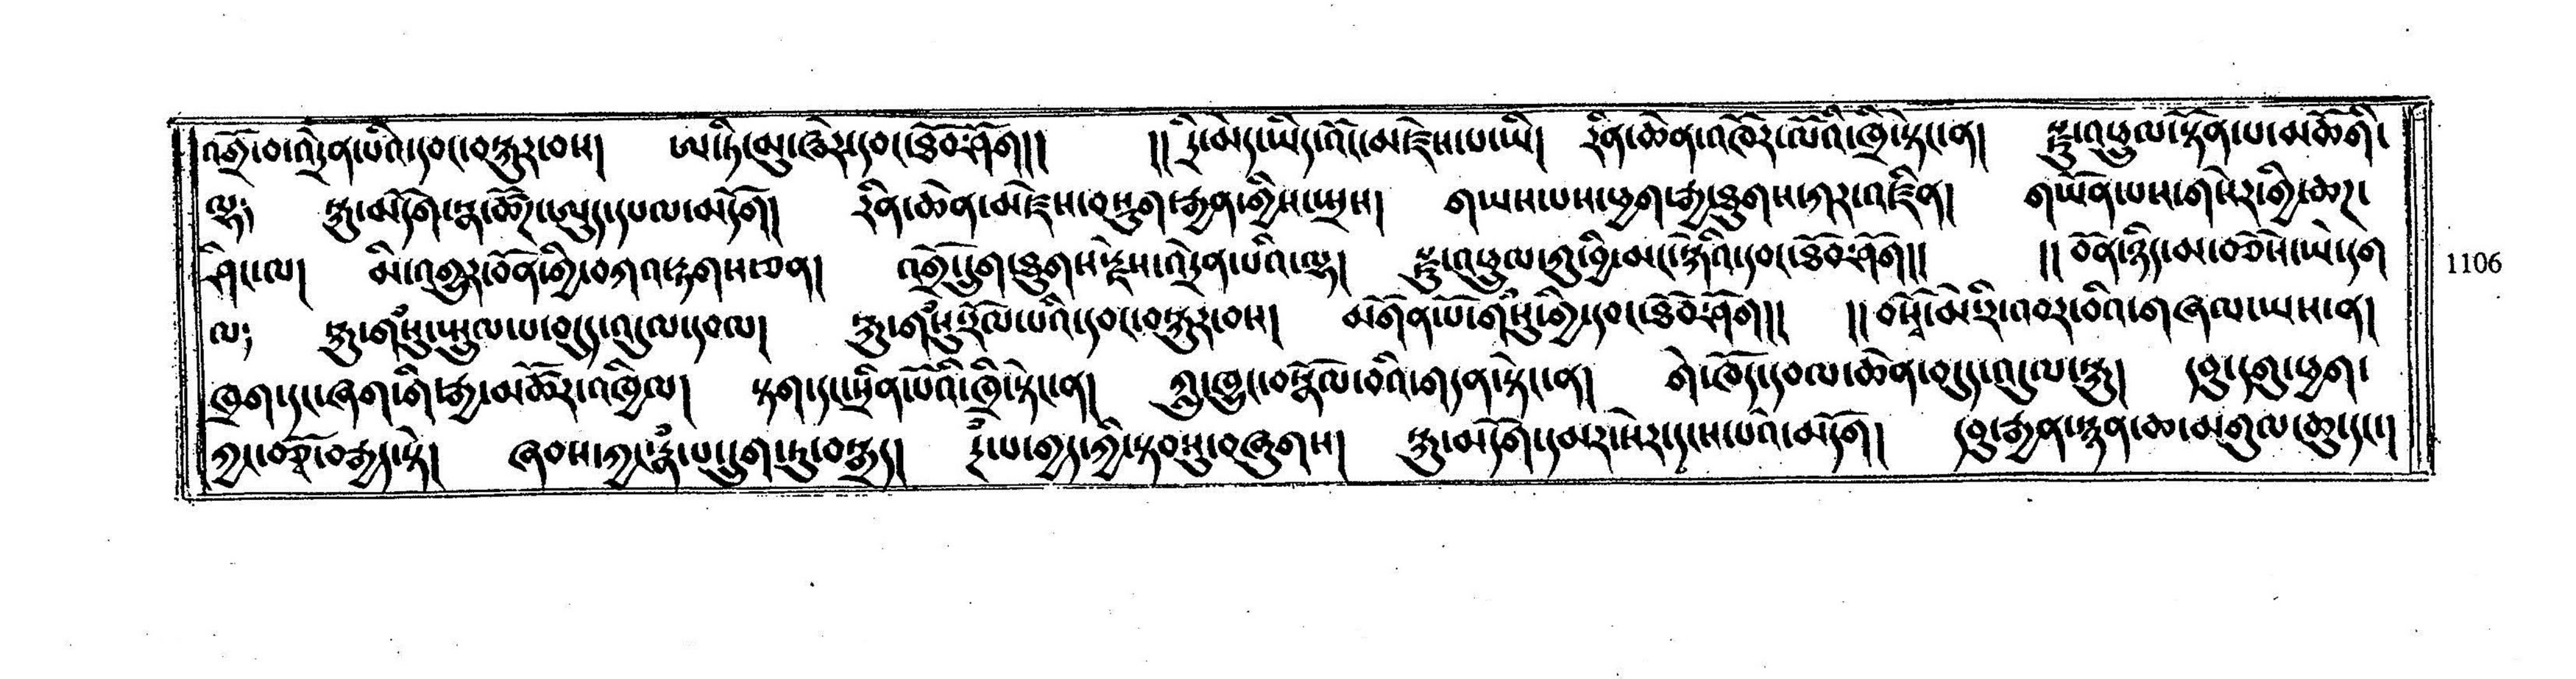འགྲོ་བ་འདྲེན་པའི་དབང་བསྐུར་བས། ཨ་ཏི་མུ་ཝེར་དབང་ཐོབ་ཤོག །།དྲི་མེད་ཡིད་འོང་མཛེས་པ་ཡི།། རིན་ཆེན་འཁོར་ལོའི་ཁྲི་སྟེང་ན། རྫུ་འཕྲུལ་སྟོན་པ་མཆོག་གི་
ལྷ། སྐུ་མདོག་སྣ་ཚོགས་ཨུད་དཔལ་མདོག རིན་ཆེན་མཛེས་སྡུག་རྒྱན་གྱིས་སྤྲས། གཡས་པས་ཕྱག་རྒྱ་ཐུགས་ཀར་འཛིན། གཡོན་པས་གསེར་གྱི་ཆགས་
ཤིང་ལ། མི་འགྱུར་བོན་གྱི་བཀའ་རྟགས་ཅན། འགྲོ་དྲུག་ཐུགས་རྗེས་འདྲེན་པའི་ལྷ། རྫུ་འཕྲུལ་ཀུ་བྱི་མང་སྐེའི་དབང་ཐོབ་ཤོག །།བོན་ཉིད་{1126}མ་བཅོས་ཡེ་དག་
ལ། སྐུ་གསུམ་སྤྲུལ་པ་བདུད་འདུལ་དབལ། སྐུ་གསུམ་རོལ་པའི་དབང་བསྐུར་བས། མགོན་པོ་གསུམ་གྱི་དབང་ཐོབ་ཤོག །།བསྭོ་མེ་རི་འབར་བའི་གཞལ་ཡས་ན། 
ཁྲག་དང་ཞག་གི་རྒྱ་མཚོར་འཁྱིལ། སྟག་དང་སྲིན་པོའི་ཁྲི་སྟེང་ན། ཀླུ་ཁྱུང་བསྣོལ་པའི་གདན་སྟེང་ན། གེ་ཁོད་དབལ་ཆེན་བདུད་འདུལ་སྐུ། དབུ་དགུ་ཕྱག་
ཀྱང་བཅྭོ་བརྒྱད་སྟེ། ཞབས་ཀྱང་རྣམ་པ་དྲུག་ཏུ་བསྒྲད། རྔམ་པ་གྱད་ཀྱི་སྟབས་སུ་བཞུགས། སྐུ་མདོག་དམར་སེར་དྭངས་པའི་མདོག དབུ་རྒྱན་སྙན་ཆ་མགུལ་ཆུ་དང་།